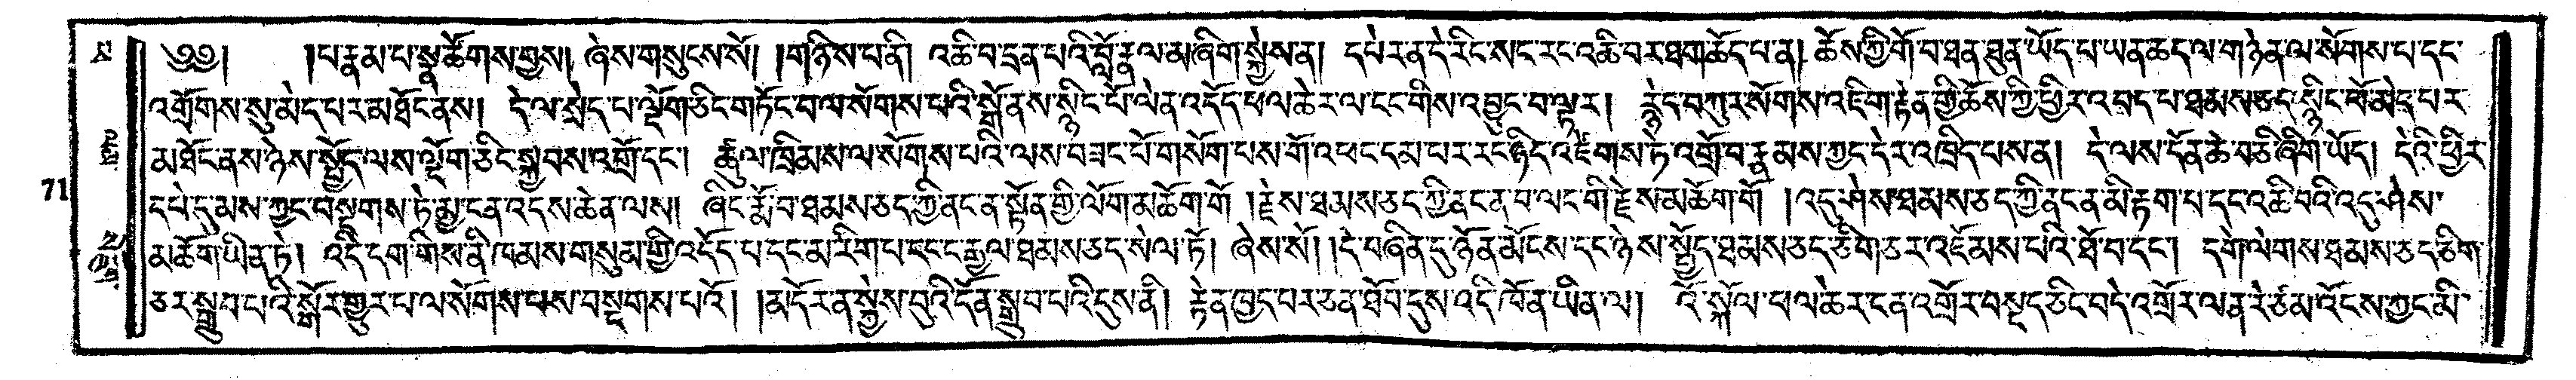༄༅། །པ་རྣམ་པ་སྣ་ཚོགས་བྱས། ཞེས་གསུངས་སོ། །གཉིས་པ་ནི། འཆི་བ་དྲན་པའི་བློ་རྣལ་མ་ཞིག་སྐྱེས་ན། དཔེར་ན་དེ་རིང་སང་རང་འཆི་བར་ཐག་ཆོད་པ་ན། ཆོས་ཀྱི་གོ་བ་ཐན་ཐུན་ཡོད་པ་ཡན་ཆད་ལ་གཉེན་ལ་སོགས་པ་དང་
འགྲོགས་སུ་མེད་པར་མཐོང་ནས། དེ་ལ་སྲེད་པ་ལྡོག་ཅིང་གཏོང་བ་ལ་སོགས་པའི་སྒོ་ནས་སྙིང་པོ་ལེན་འདོད་ཕལ་ཆེར་ལ་ངང་གིས་འབྱུང་བ་ལྟར། རྙེད་བཀུར་སོགས་འཇིག་རྟེན་གྱི་ཆོས་ཀྱི་ཕྱིར་འབད་པ་ཐམས་ཅད་སྙིང་པོ་མེད་པར་
མཐོང་ནས་ཉེས་སྤྱོད་ལས་ལྡོག་ཅིང་སྐྱབས་འགྲོ་དང་། ཚུལ་ཁྲིམས་ལ་སོགས་པའི་ལས་བཟང་པོ་གསོག་པས་གོ་འཕང་དམ་པར་རང་ཉིད་འཛེགས་ཏེ་འགྲོ་བ་རྣམས་ཀྱང་དེར་འཁྲིད་པས་ན། དེ་ལས་དོན་ཆེ་བ་ཅི་ཞིག་ཡོད། དེའི་ཕྱིར་
དཔེ་དུ་མས་ཀྱང་བསྔགས་ཏེ་མྱ་ངན་འདས་ཆེན་ལས། ཞིང་རྨོ་བ་ཐམས་ཅད་ཀྱི་ནང་ན་སྟོན་གྱི་ལོག་མཆོག་གོ །རྗེས་ཐམས་ཅད་ཀྱི་ནང་ན་བ་ལང་གི་རྗེས་མཆོག་གོ །འདུ་ཤེས་ཐམས་ཅད་ཀྱི་ནང་ན་མི་རྟག་པ་དང་འཆི་བའི་འདུ་ཤེས་
མཆོག་ཡིན་ཏེ། འདི་དག་གིས་ནི་ཁམས་གསུམ་གྱི་འདོད་པ་དང་མ་རིག་པ་དང་ང་རྒྱལ་ཐམས་ཅད་སེལ་ཏོ། ཞེས་སོ། །དེ་བཞིན་དུ་ཉོན་མོངས་དང་ཉེས་སྤྱོད་ཐམས་ཅད་ཅིག་ཅར་འཇོམས་པའི་ཐོ་བ་དང་། དགེ་ལེགས་ཐམས་ཅད་ཅིག་
ཅར་སྒྲུབ་པའི་སྒོར་གྱུར་པ་ལ་སོགས་པས་བསྔགས་པའོ། །མདོར་ན་སྐྱེས་བུའི་དོན་སྒྲུབ་པའི་དུས་ནི། རྟེན་ཁྱད་པར་ཅན་ཐོབ་དུས་འདི་ཁོ་ན་ཡིན་ལ། འོ་སྐོལ་ཕལ་ཆེར་ངན་འགྲོར་བསྡད་ཅིང་བདེ་འགྲོར་ལན་རེ་ཙམ་འོངས་ཀྱང་མི་